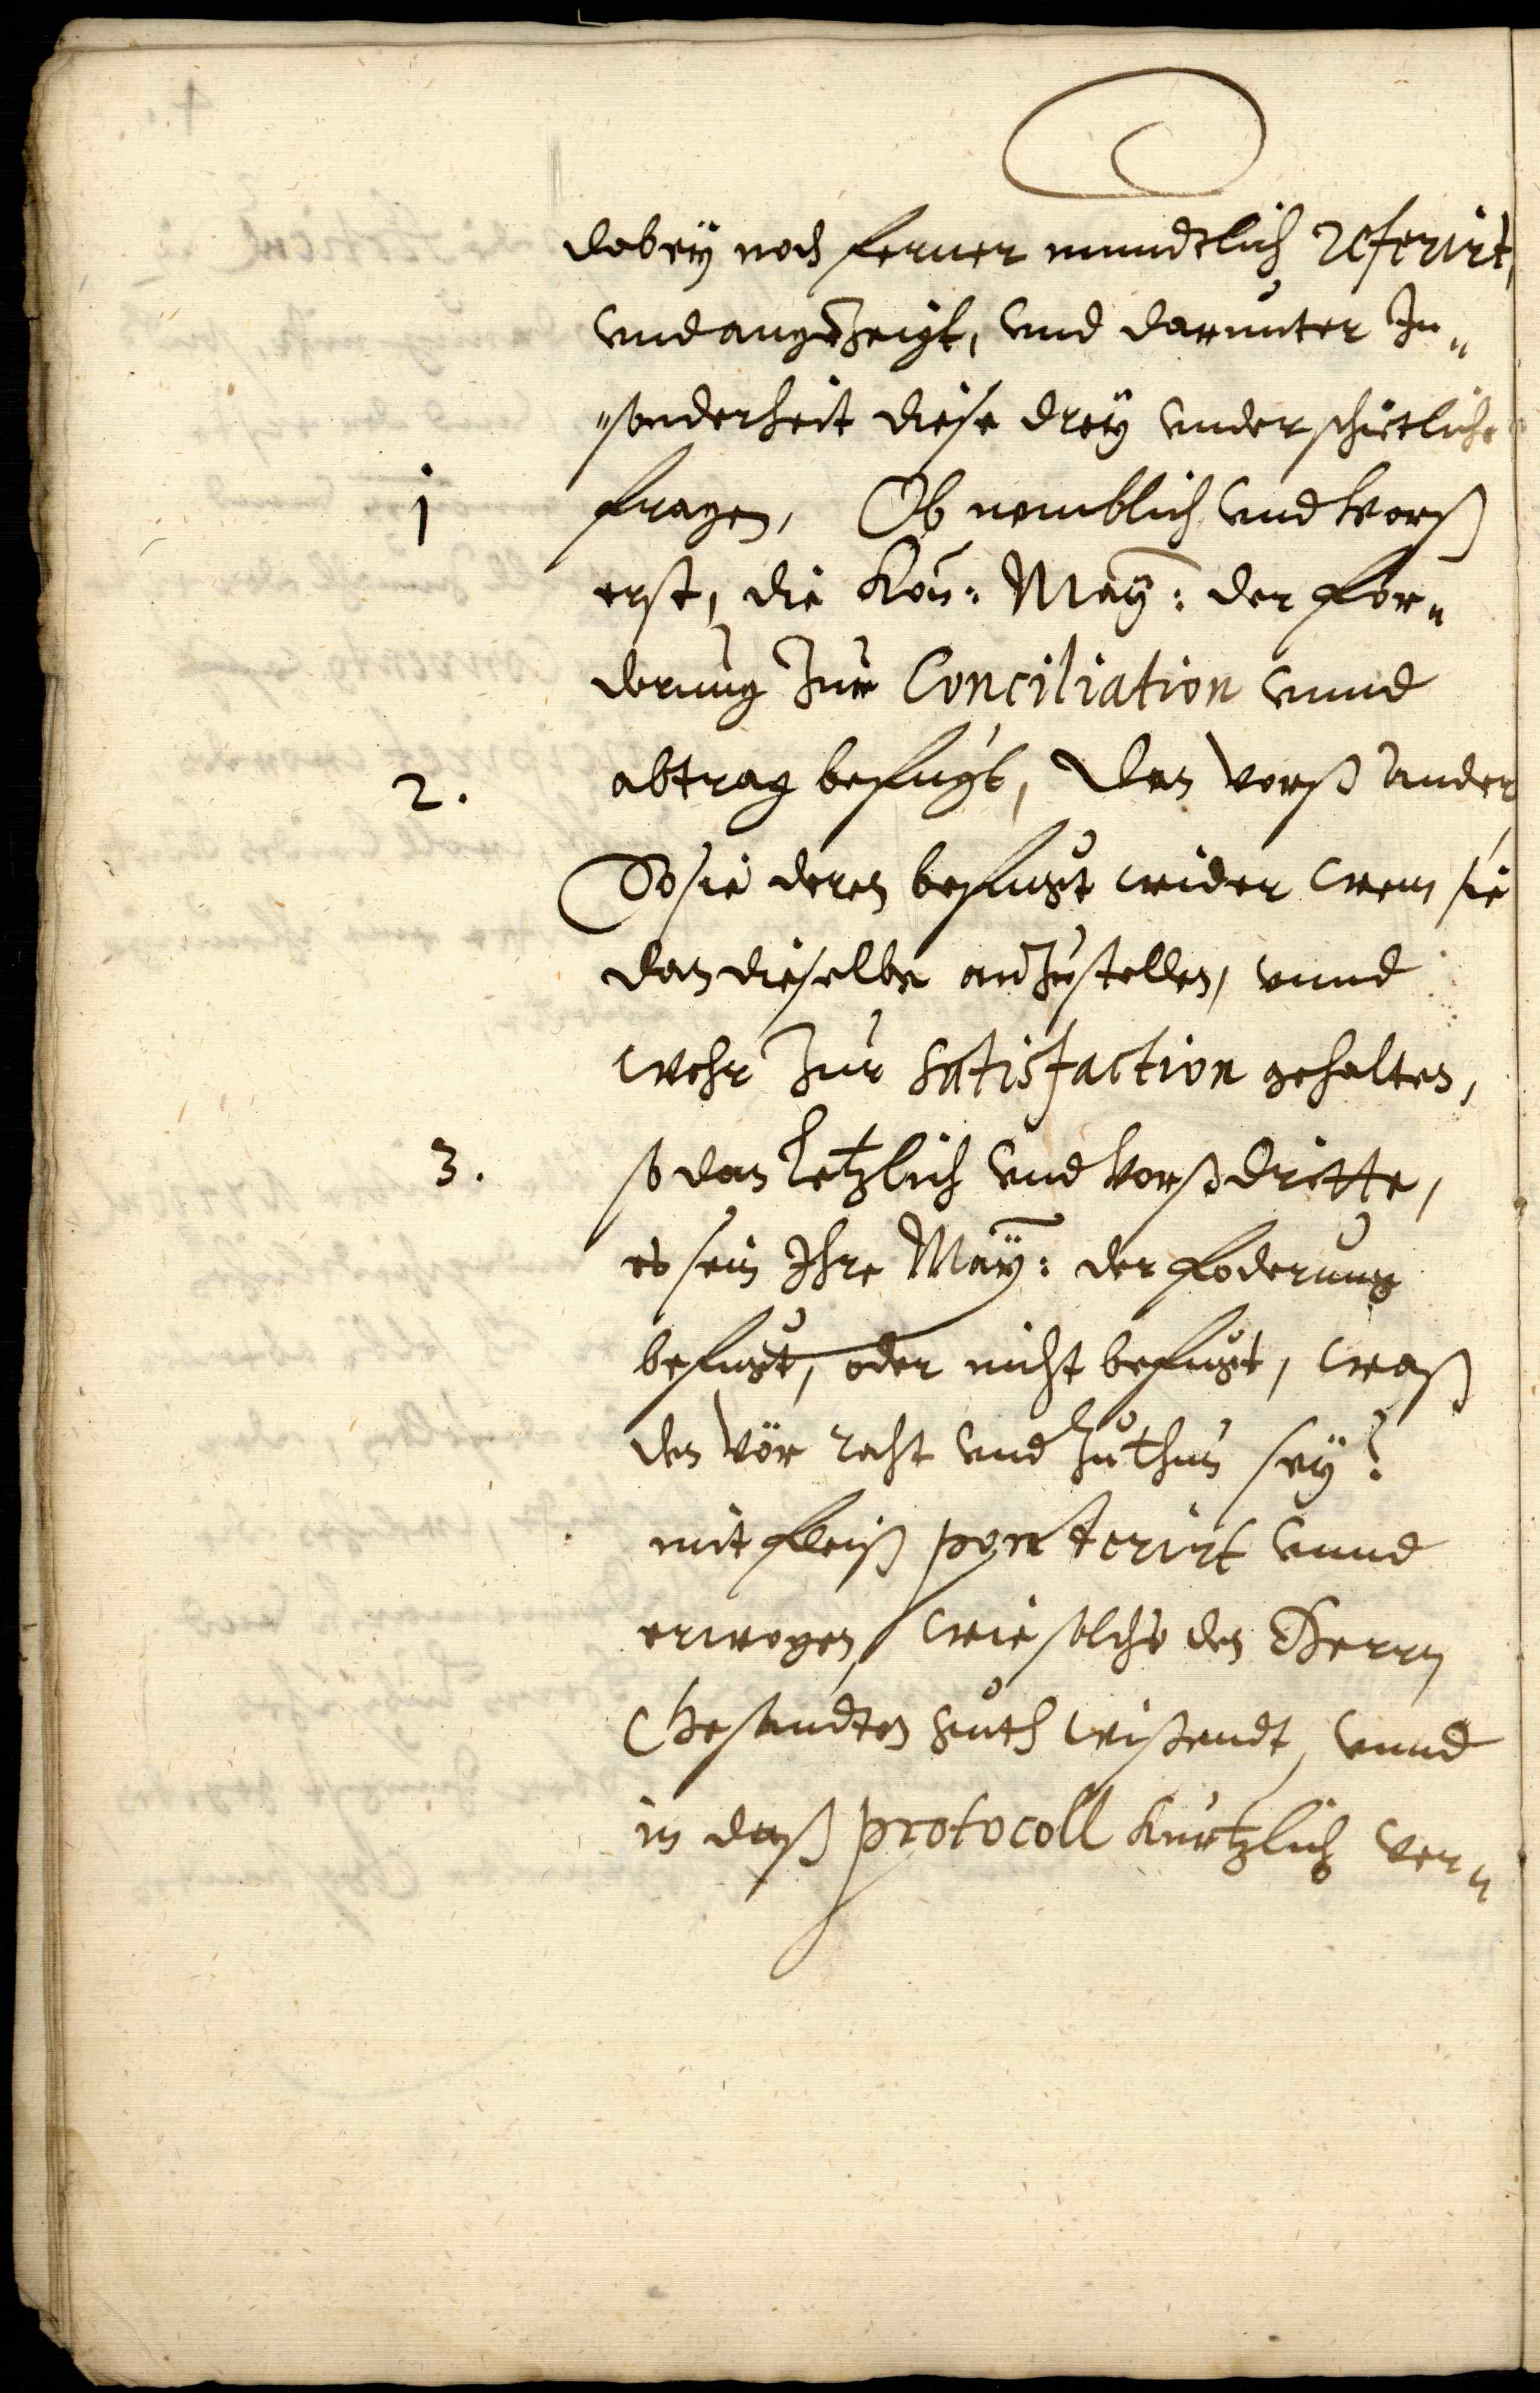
1
2
3.
dabeij noch ferner mundtlich referirt,
vnd angezeigt, vnd darunter In¬
sonderheit diese dreij vnderschietliche
fragen, Ob nemblich, vnd vorß
erst, die Kon: Maij: der for¬
derung zur Conciliation vnnd
abtrag befugt, dan vorß ander
So sie deren befugt wider wem sie
dan dieselbe anzustellen, vnnd
wehr zur satisfaction gehalten,
so dan letzlich vnd vorß dritte,
es sein Ihre Maij: der foderung
befugt, oder nicht befugt, waß
den vör raht vnd zuthun seij ?
mit fleiß ponderirt vnnd
erwogen, wie solchs den Herrn
Gesandten guth wißendt, vnnd
in daß protocoll kurtzlich ver¬
